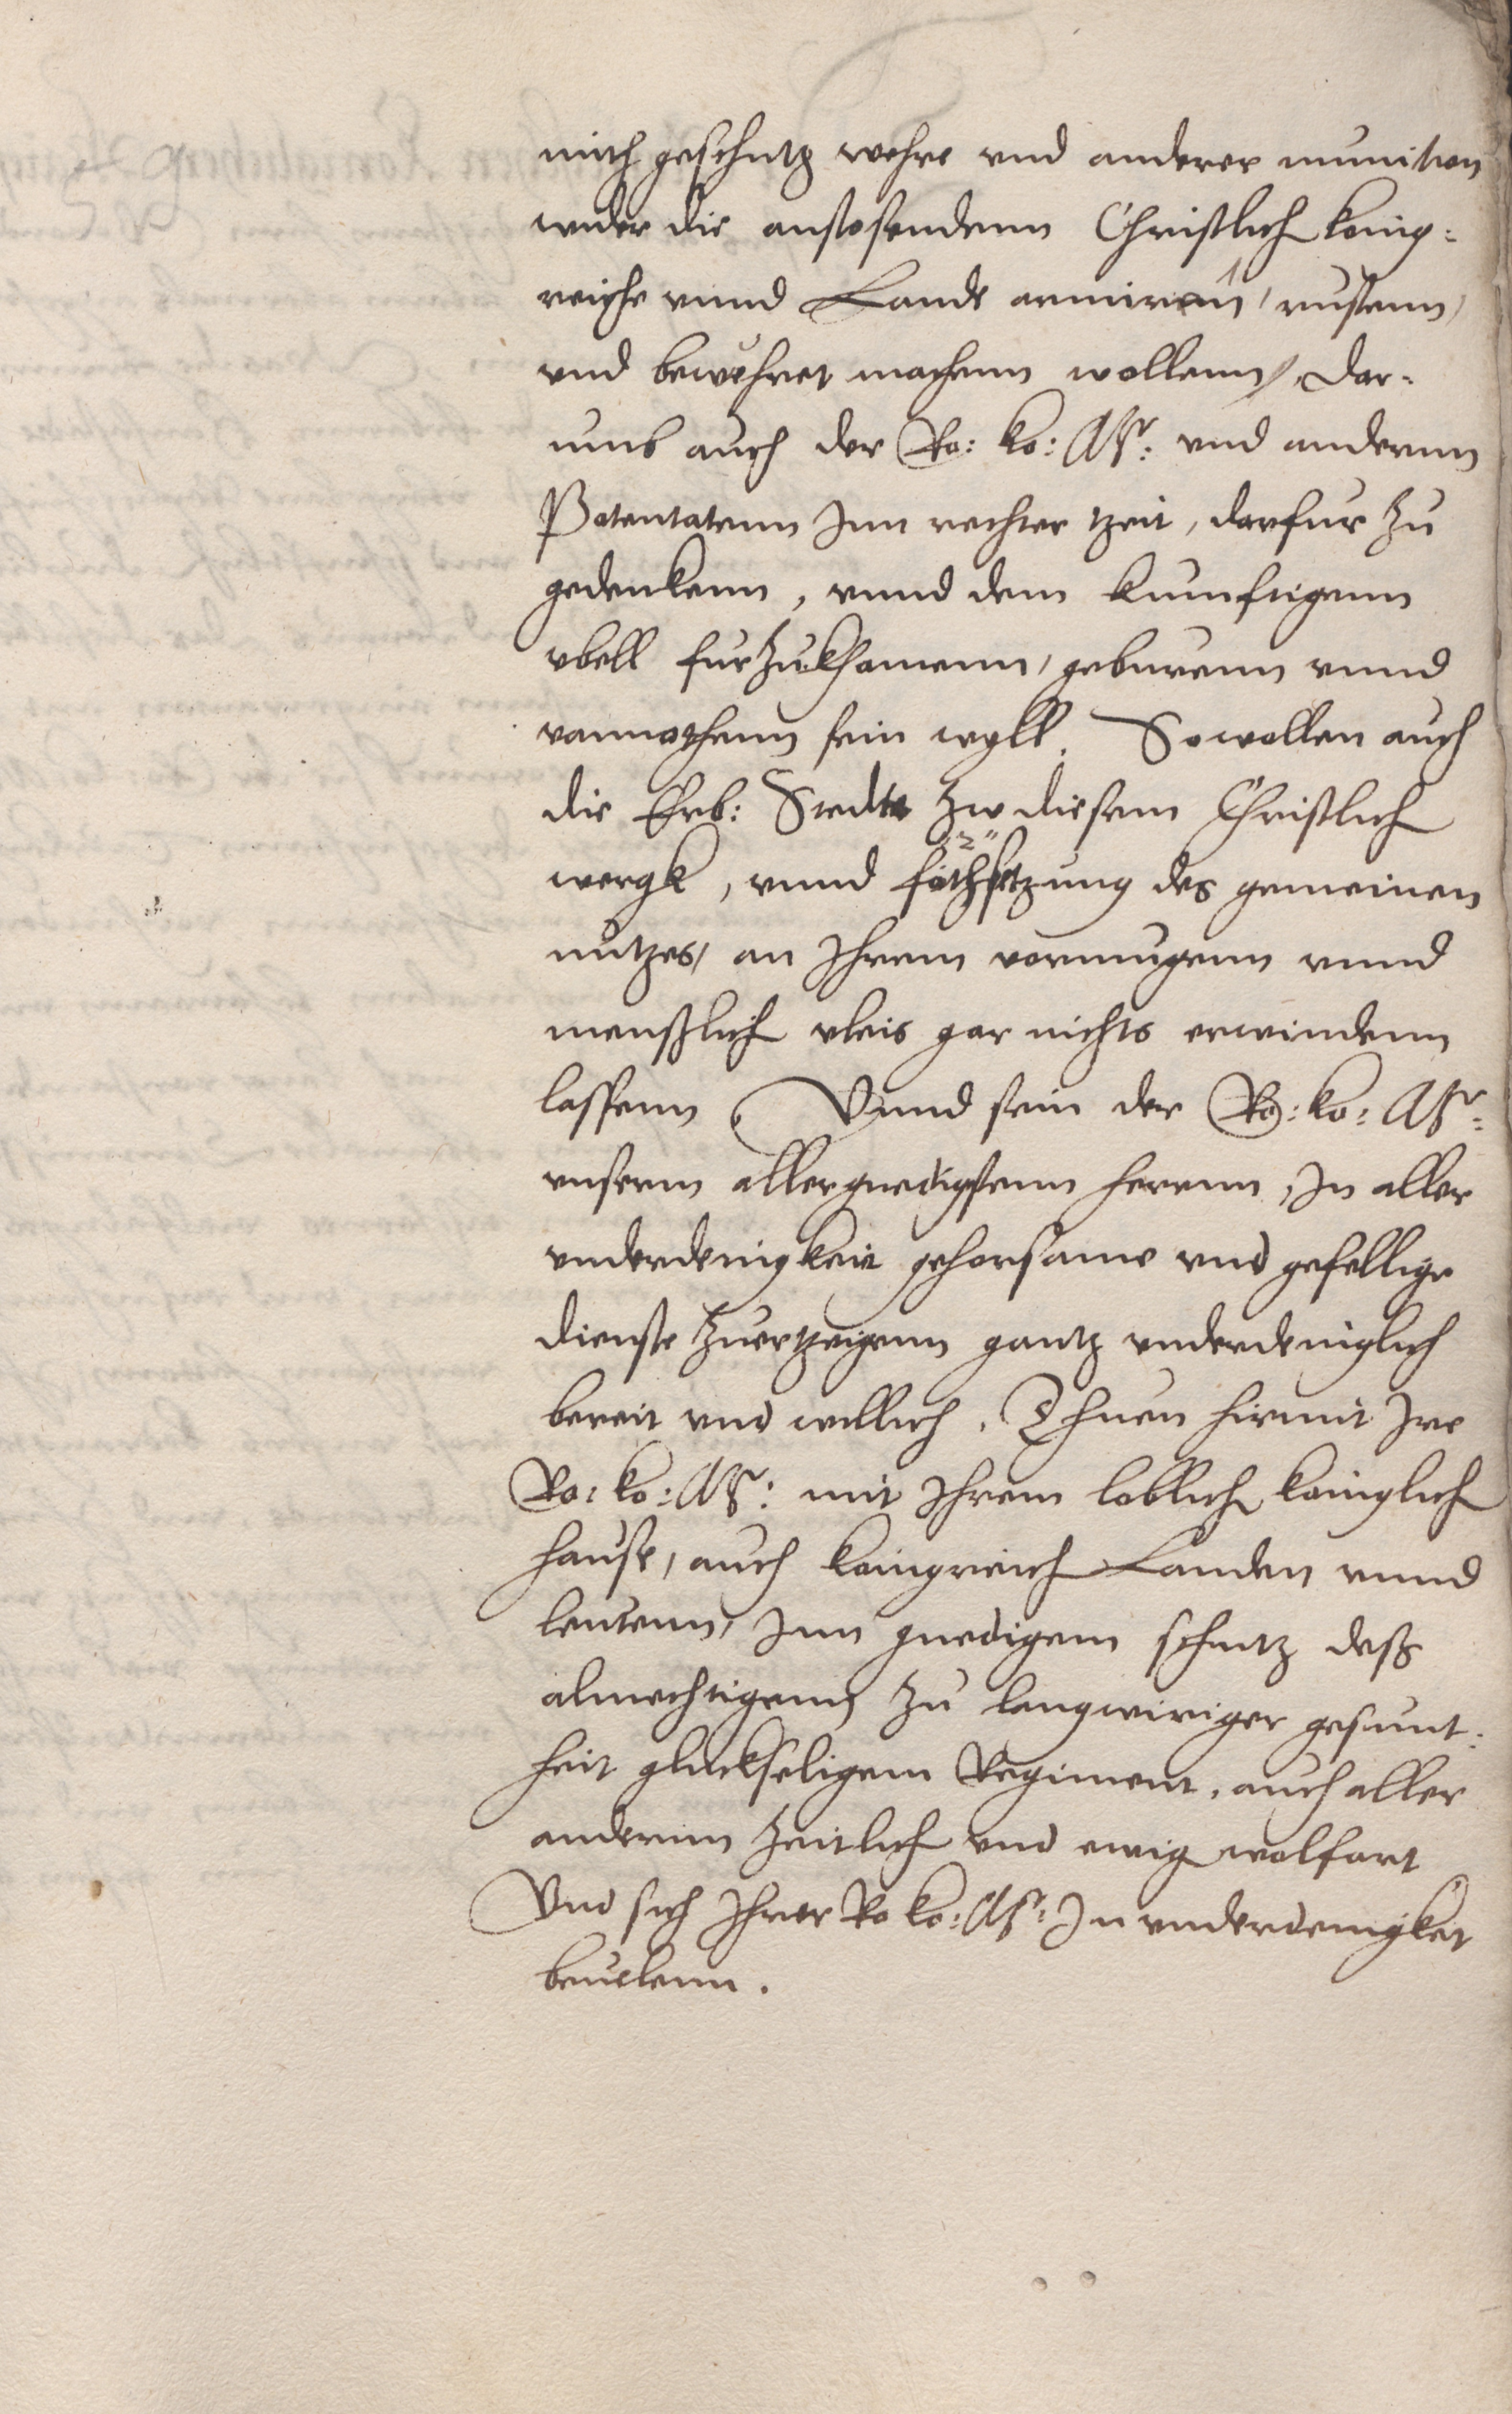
mith geschutz wehre vnd anderer munition
wider die anstosendenn Christlichen konig¬
reiche vnnd Lande armiren, rustenn,
vnd bewehret machenn wollenn, Dar¬
umb auch der Ro: Ko: Mt: vnd andernn
Potentatenn jnn rechter tzeit, darfur zu
gedenkenn, vnnd dem kumftigenn
vbell furzukhomenn, geburenn vnnd
vannothenn sein wyll. So wollen auch
die Erb: Stedte zw diesem Christlichen
wergk, vnnd forthsetzung des gemeinen
nutzes, an jhrem vormugenn vnnd
menßlichen vleis gar nichts erwindenn
lassenn Vnnd sein der Ro: Ko: Mt:
vnserm allergnedigstenn herrnn, jn aller
vnderdenigkeit gehorsame vnd gefellige
dienste zuertzeigenn gantz vnderdeniglich
bereit vnd willich, Thuen hirmit jre
Ro: Ko: Mt: mit jhrem loblichen koniglichen
hause, auch konigreichen Landen vnnd
leutenn, jnn gnedigem schutz deß
almechtigenn zu langwiriger gesunt¬
heit gluckseligem Regiment, auch aller
andernn zeitlichen vnd ewigen wolfart
Vnd sich jhrer Ro: Ko: Mt: jn vnderdenigkeit
beuelenn.
